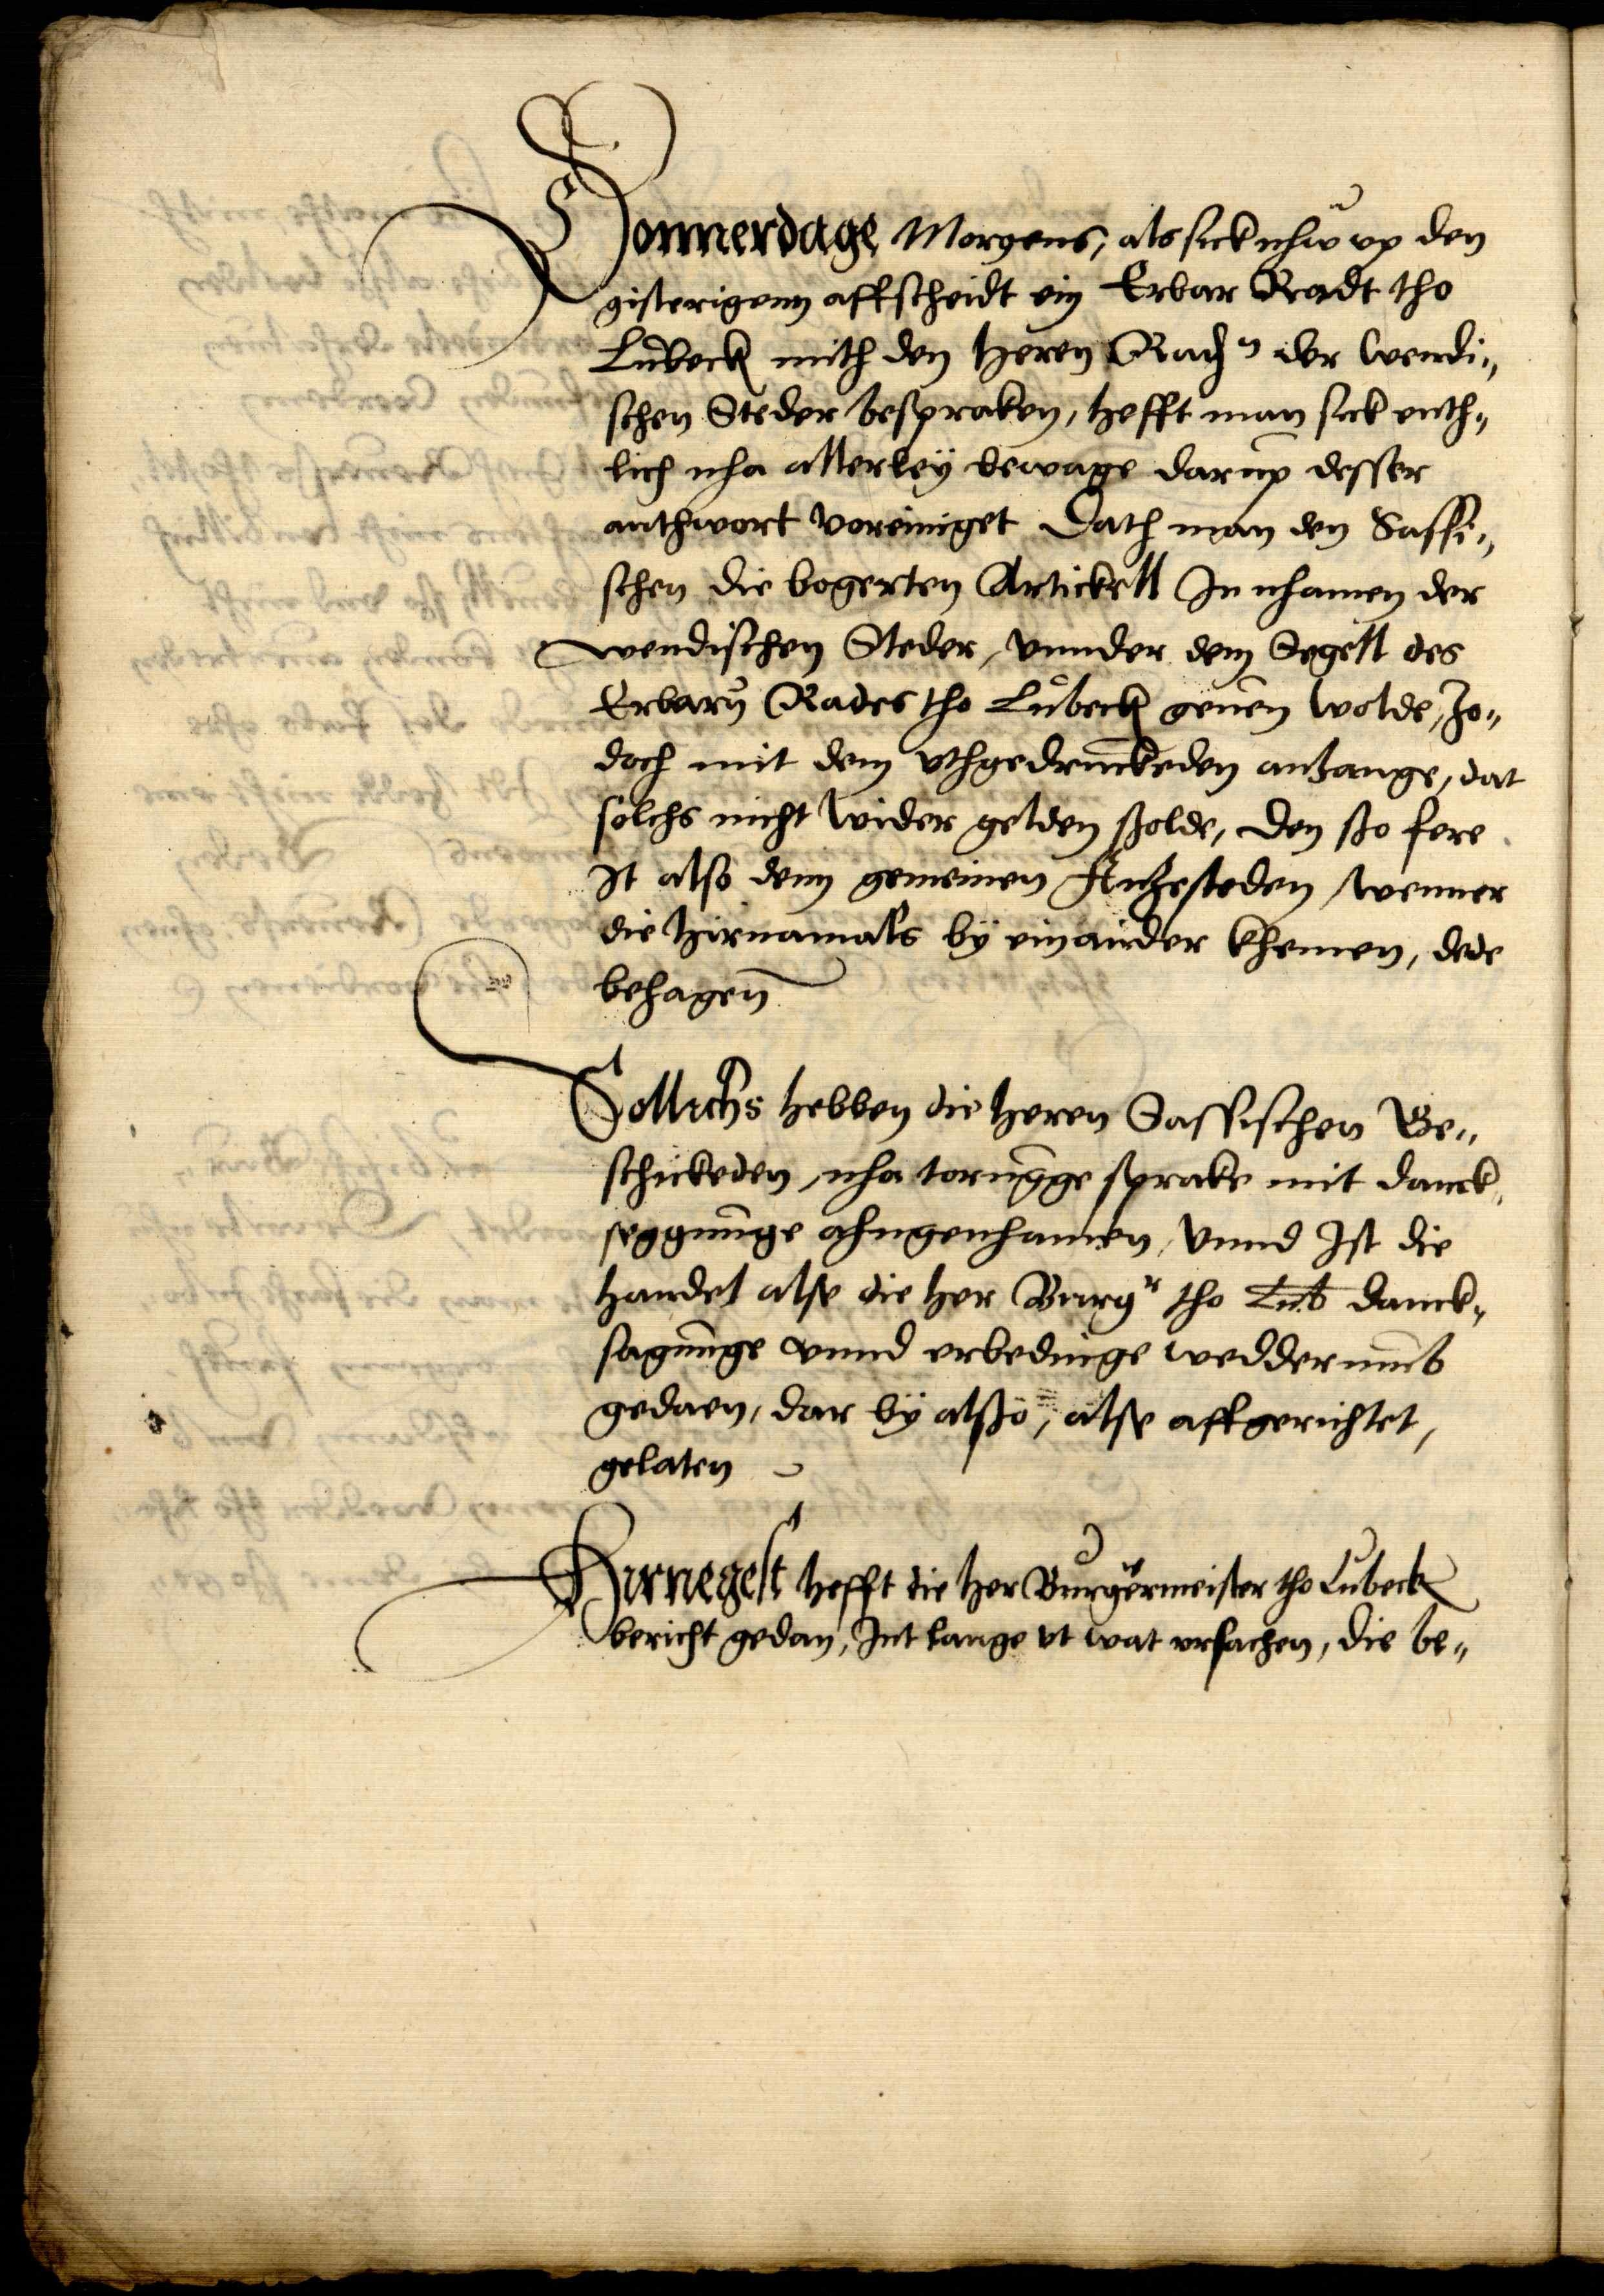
Donnerdage Morgens, als sick nhw vp den
gisterigenn affscheidt ein Erbar Radt tho
Lubeck mith den Heren Radessendeboden der wendi¬
schen Steder bespraken, Hefft man seck enth¬
lich nha allerleij bewage darup desser
anthwort voreiniget Dath man den Sassi¬
schen die bogerten Artickell In nhamen der
wendischen Steder, Vnnder dem Segell des
Erbarn Rades tho Lubeck geuen wolde, Io¬
doch mit dem vthgedruckeden anhange, dat
solchs nicht wider gelden ßolde, den ßo fere
It also denn gemeinen Antzesteden wenner
die Hirnamals bij einander khemen, dede
behagen
Sollichs hebben die Heren Sassischen Ge¬
schickeden, nha torugge sprake mit danck¬
seggunge ahngenhamen, Vnnd Ist die
Handel alse die Her Burgermeister tho Lub danck¬
sagunge vnnd erbedinge wedderumb
gedaen, dar bij also, alse affgerichtet,
gelaten
Hirnegest hefft die Her Burgermeister tho Lubeck
bericht gedan, Int lange vt wat vrsachen, die be¬
